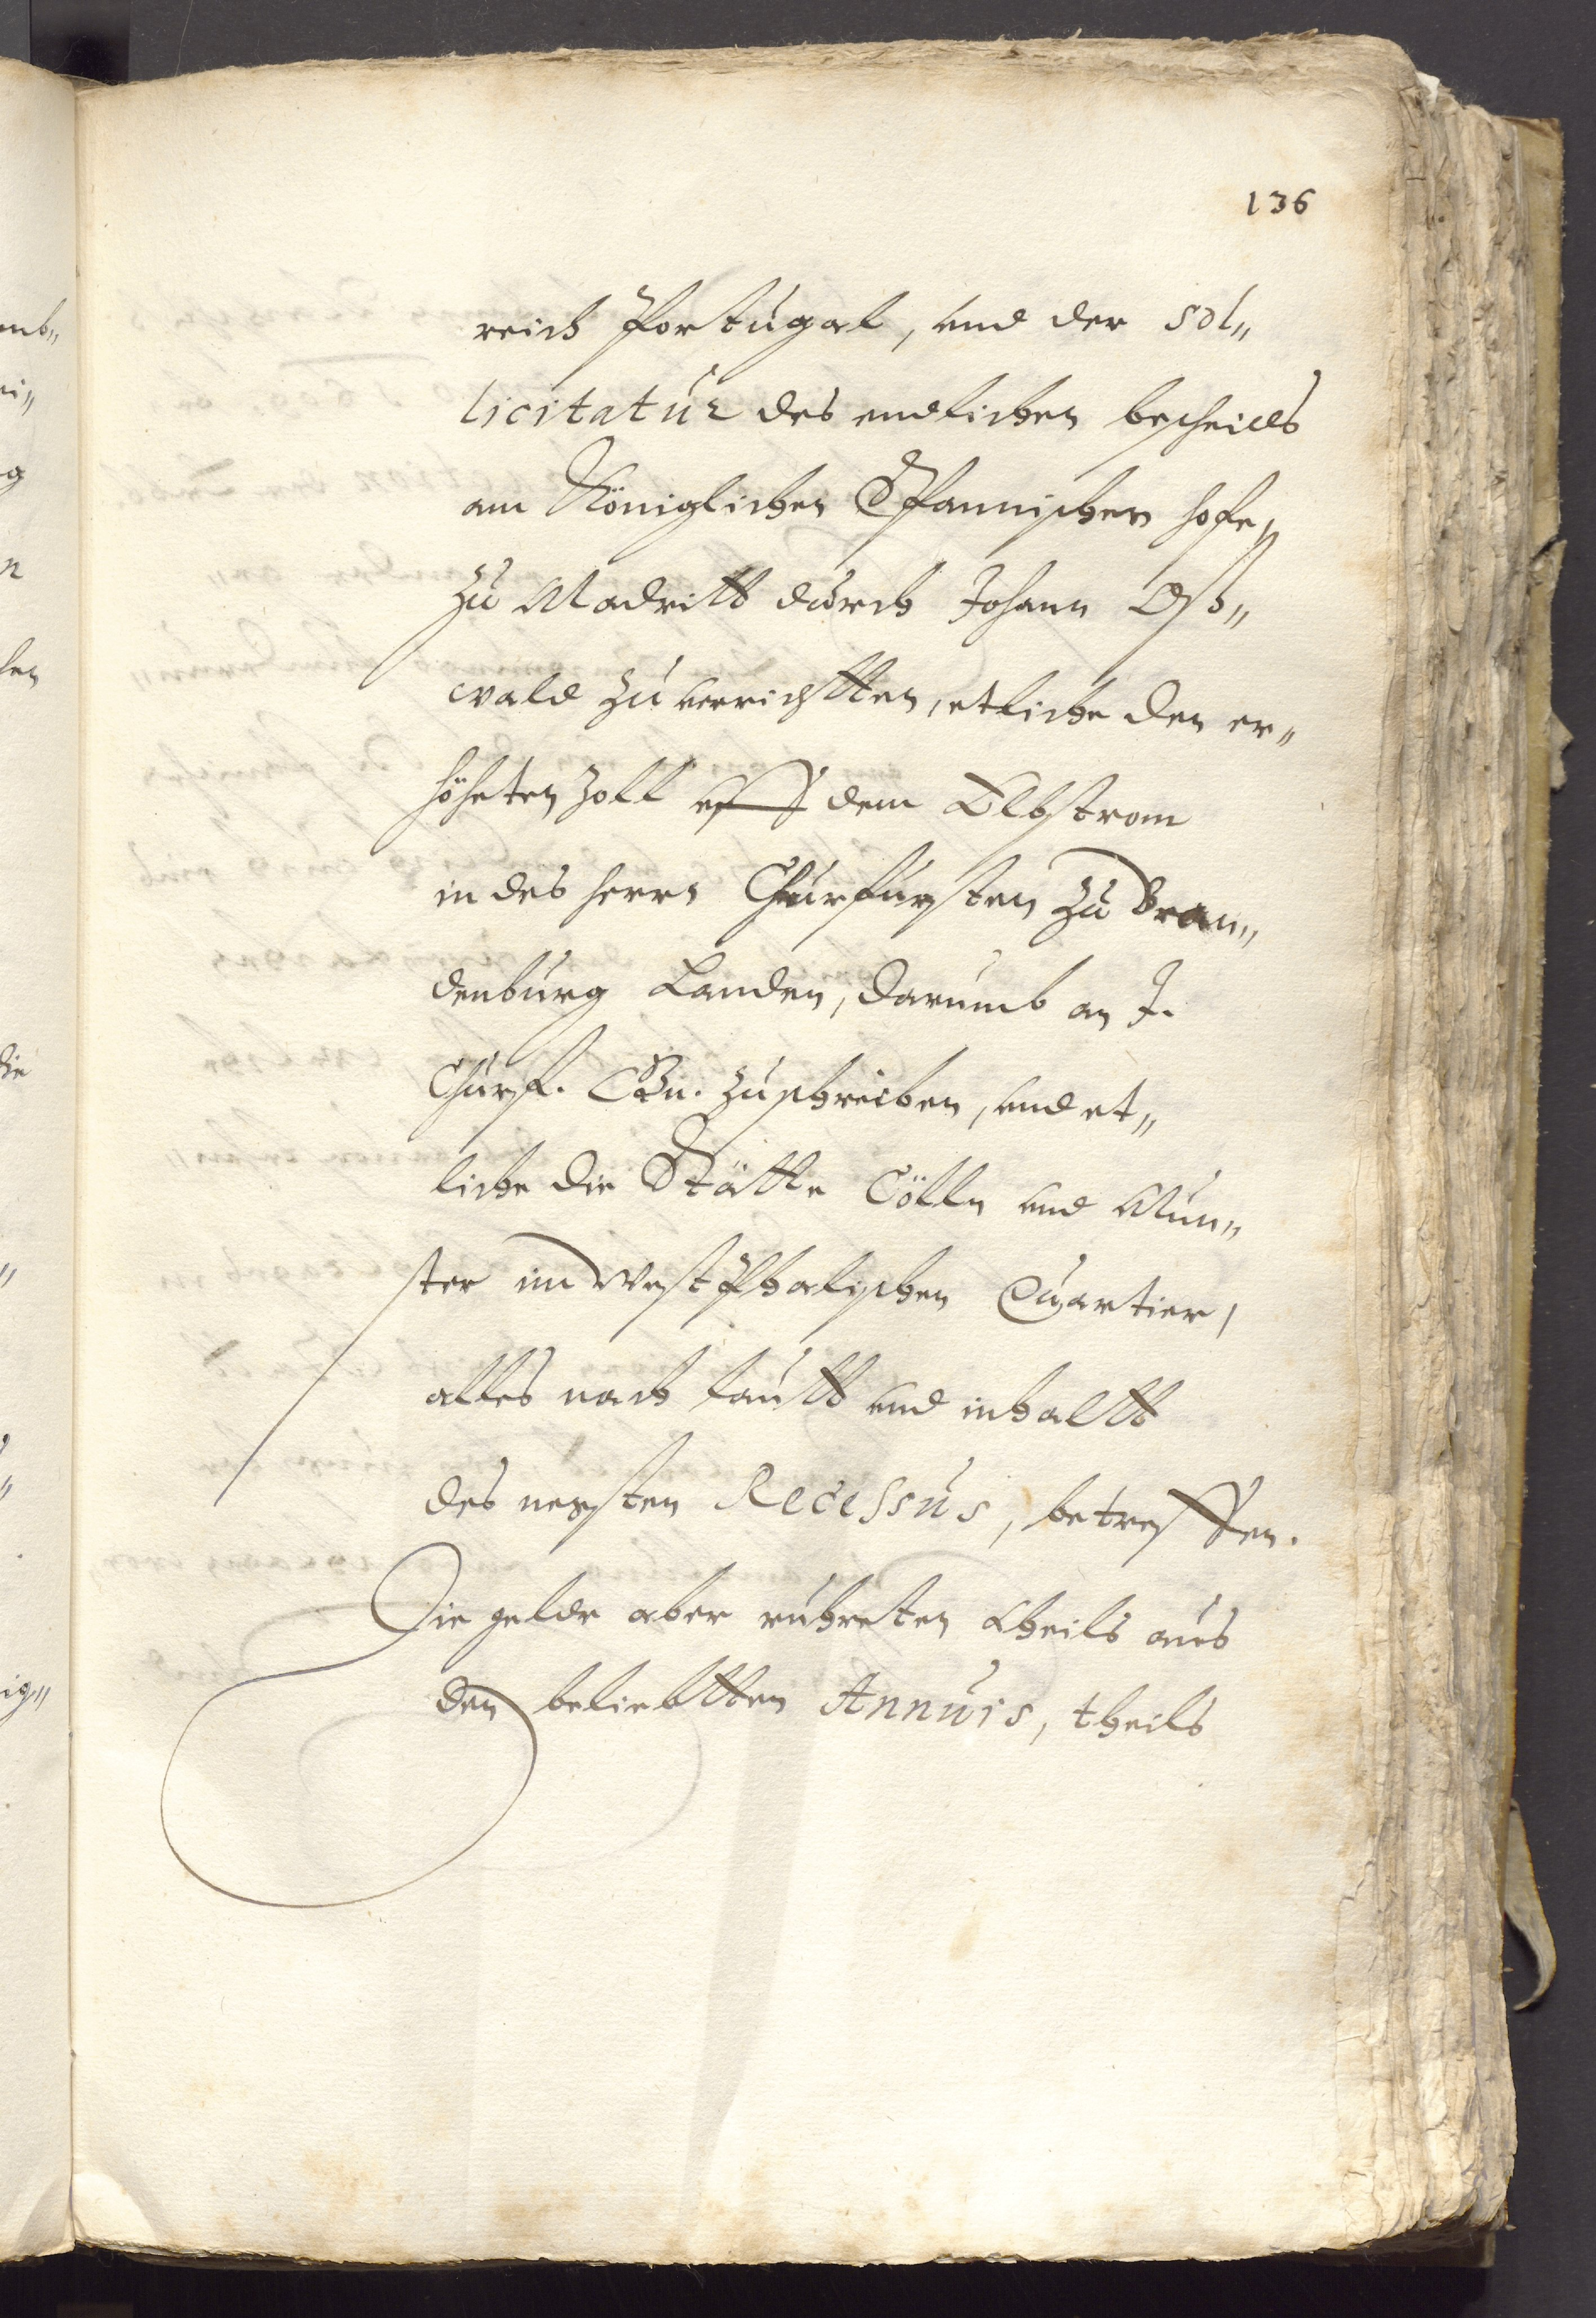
136
reich Portugal, vnd der sol¬
licitatur des endlichen bescheids
am Königlichen Spannischen hofe,
zu Madritt durch Johann Oß¬
wald zu verrichtten, etliche den er¬
höheten zoll uff dem Elbstrom
in des herrn Churfursten zu Bran¬
denburg Landen, darumb an I.
Churf. Gn. zu schreiben, vnd et¬
liche die Stätte Cölln vnd Mun¬
ster im westphalischen Quartier,
alles nach lautt vnd inhaltt
des negsten Recessus, betreffen.
Die gelder aber ruhreten theils aus
den beliebtten Annuis, theils
